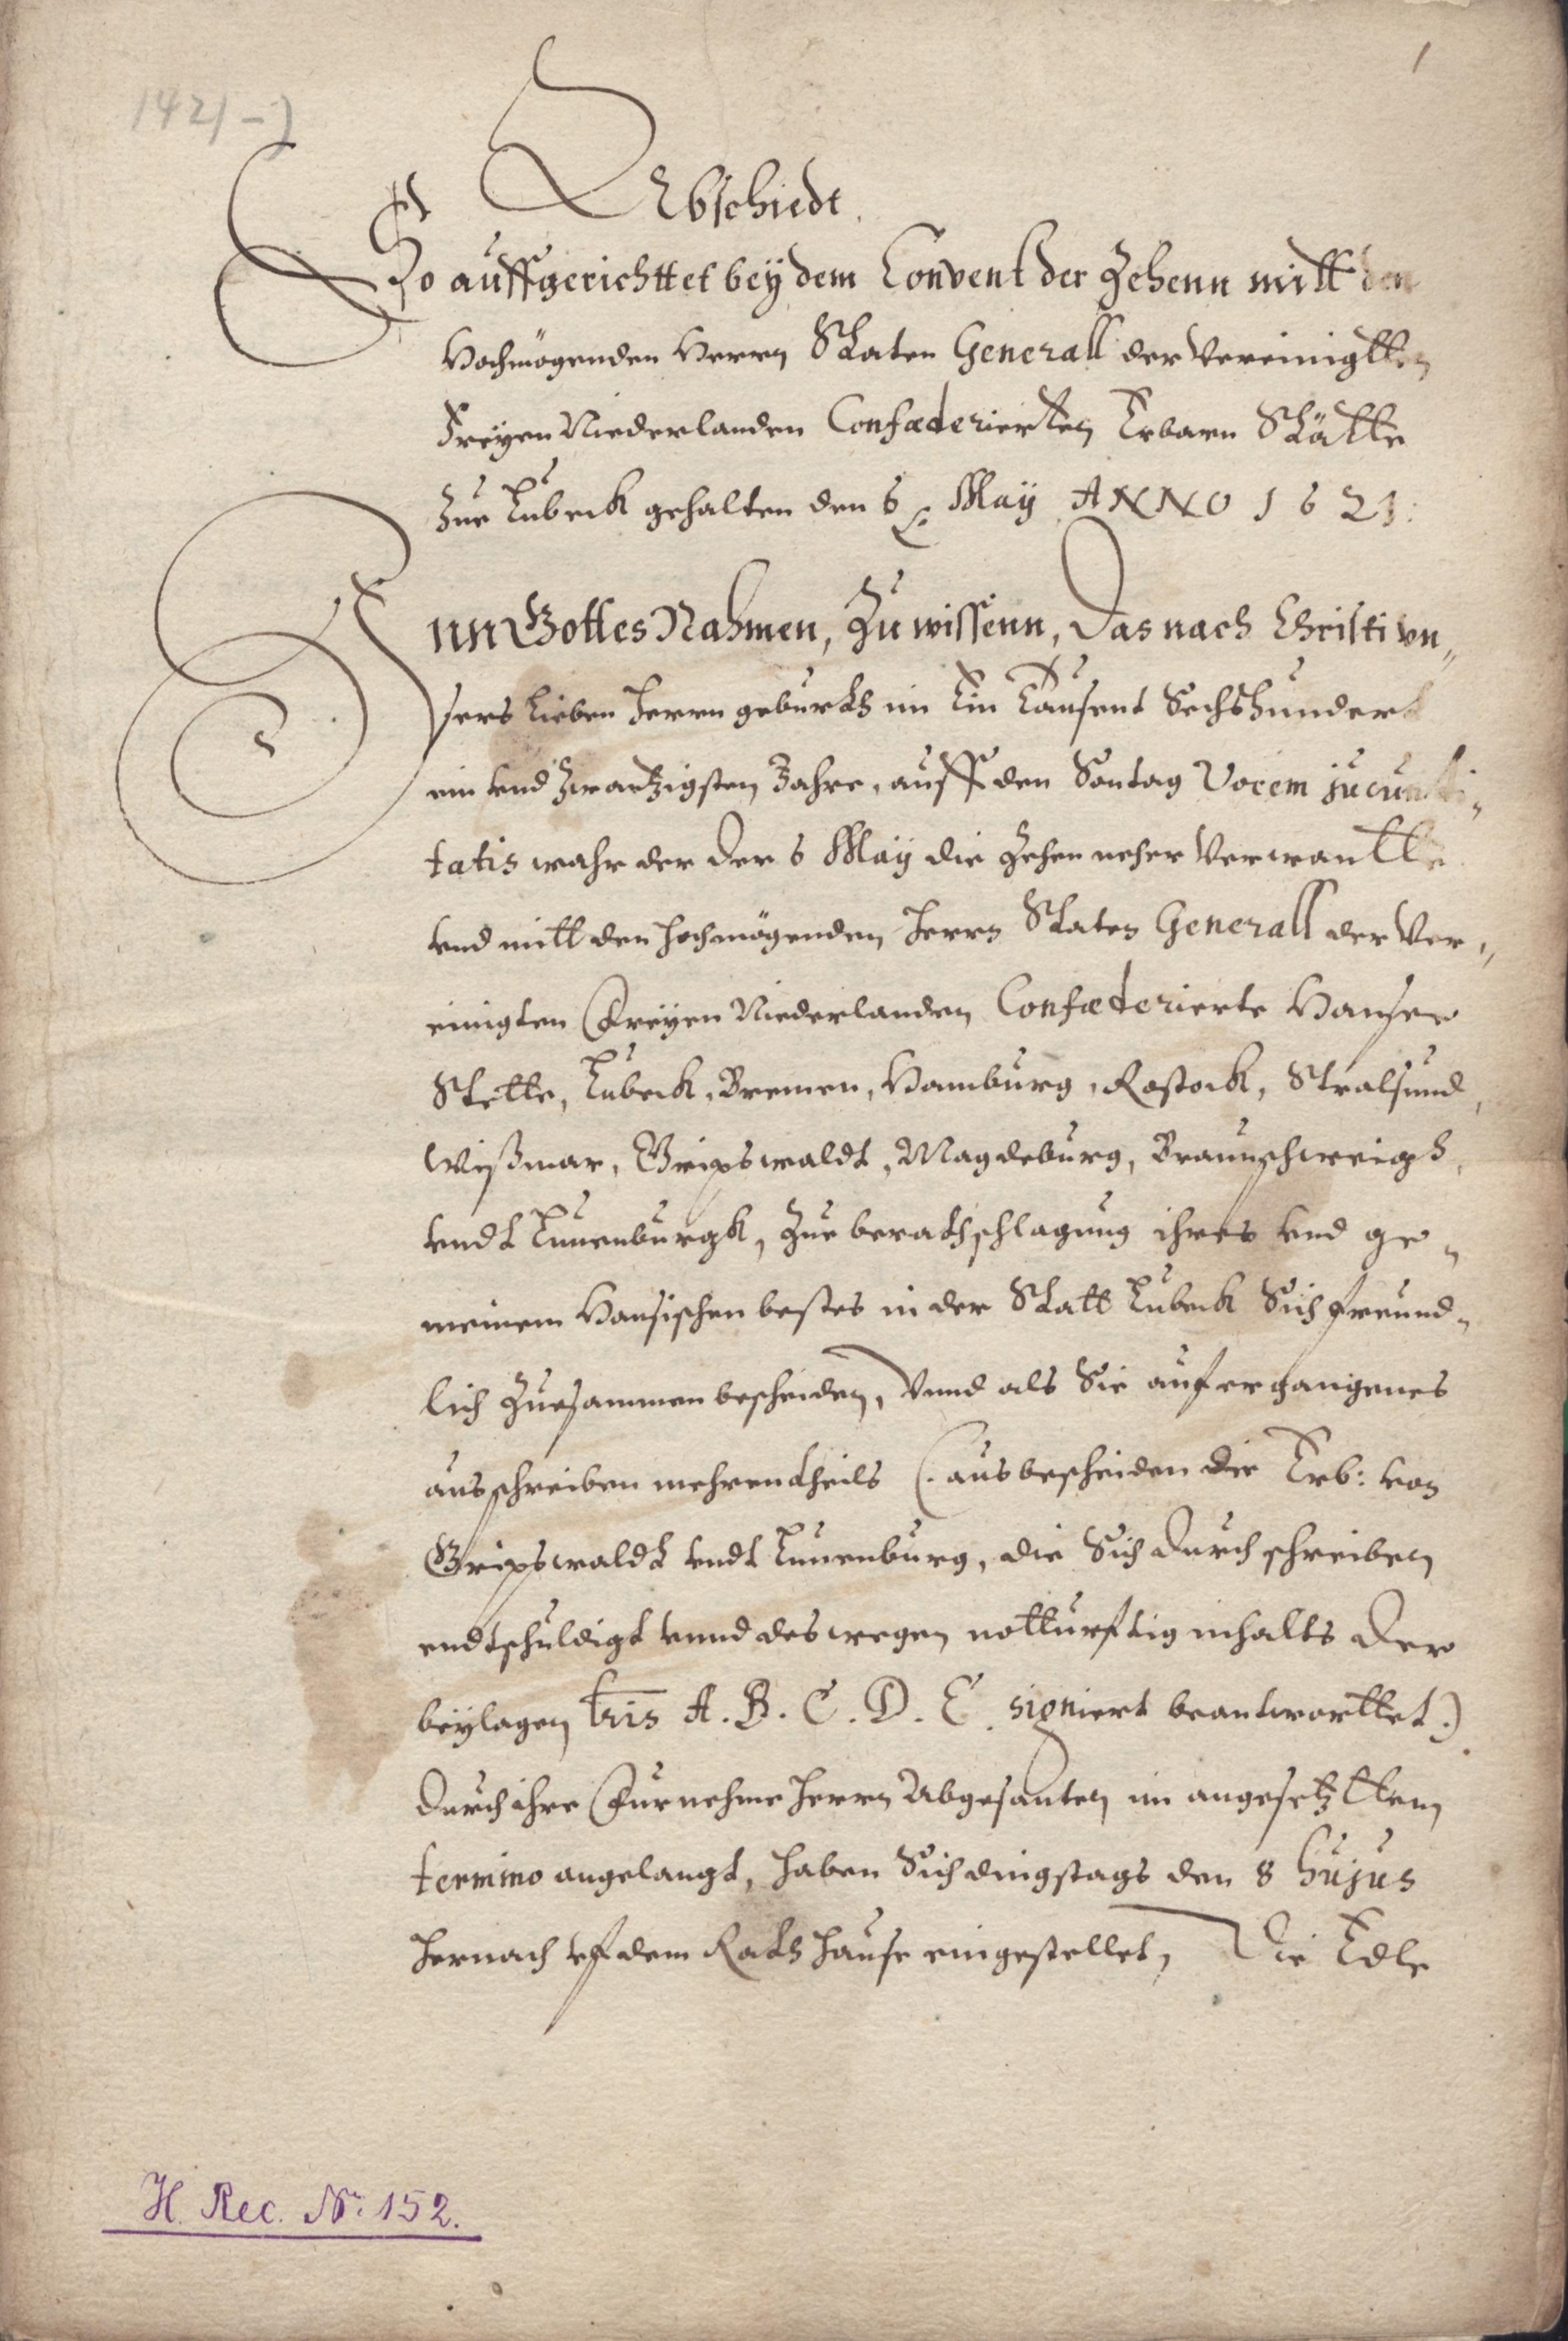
1
Abschiedt
So auffgerichttet beij dem Convent der Zehenn mitt den
Hochmögenden Herrn Staten Generall der Vereinigtten
Freijen Niederlanden Confoederierten Erbarn Stätte
zue Lubeck gehalten den 6ten Maij ANNO 1621.
Inn Gottes Nahmen, zu wissenn, das nach Christi vn¬
sers lieben herrn geburth im Ein Tausent Sechshundert
ein vnd zwantzigsten Jahre , auff den Sontag Vocem jucundi¬
tatis wahr der den 6 Maij die zehen neher verwantte
vnd mitt den hochmögenden Herrn Staten Generall der Ver¬
einigten Freijen Niederlanden Confoederierte Hansee¬
Stette, Lubeck, Bremen, Hamburg, Rostock, Stralsund,
Wißmar, Gripswaldt, Magdeburg, Braunschweigh,
vndt Lunenburgh, zue Beratschlagung ihres vnd ge¬
meinem Hansischen bestes in der Statt Lubeck sich freund¬
lich zuesammen bescheiden, vnnd als Sie aufergangenes
ausschrieben mehrentheils (. aus bescheiden der Erb: von
Greifswaldt vndt Lunenburg, die Sich durch schreiben
endtschuldigt vnnd deswegen notturftig inhalts der
beijlagen litteris A. B. C. D. E. signiert beantworttet .)
durch ihre furnehme herrn Abgesanten im angesetztten
termino angelangt, haben sich dingstags den 8 hujus
hernach vf dem Rathhause eingestellt, die edle
H. Rec. N. 152.
